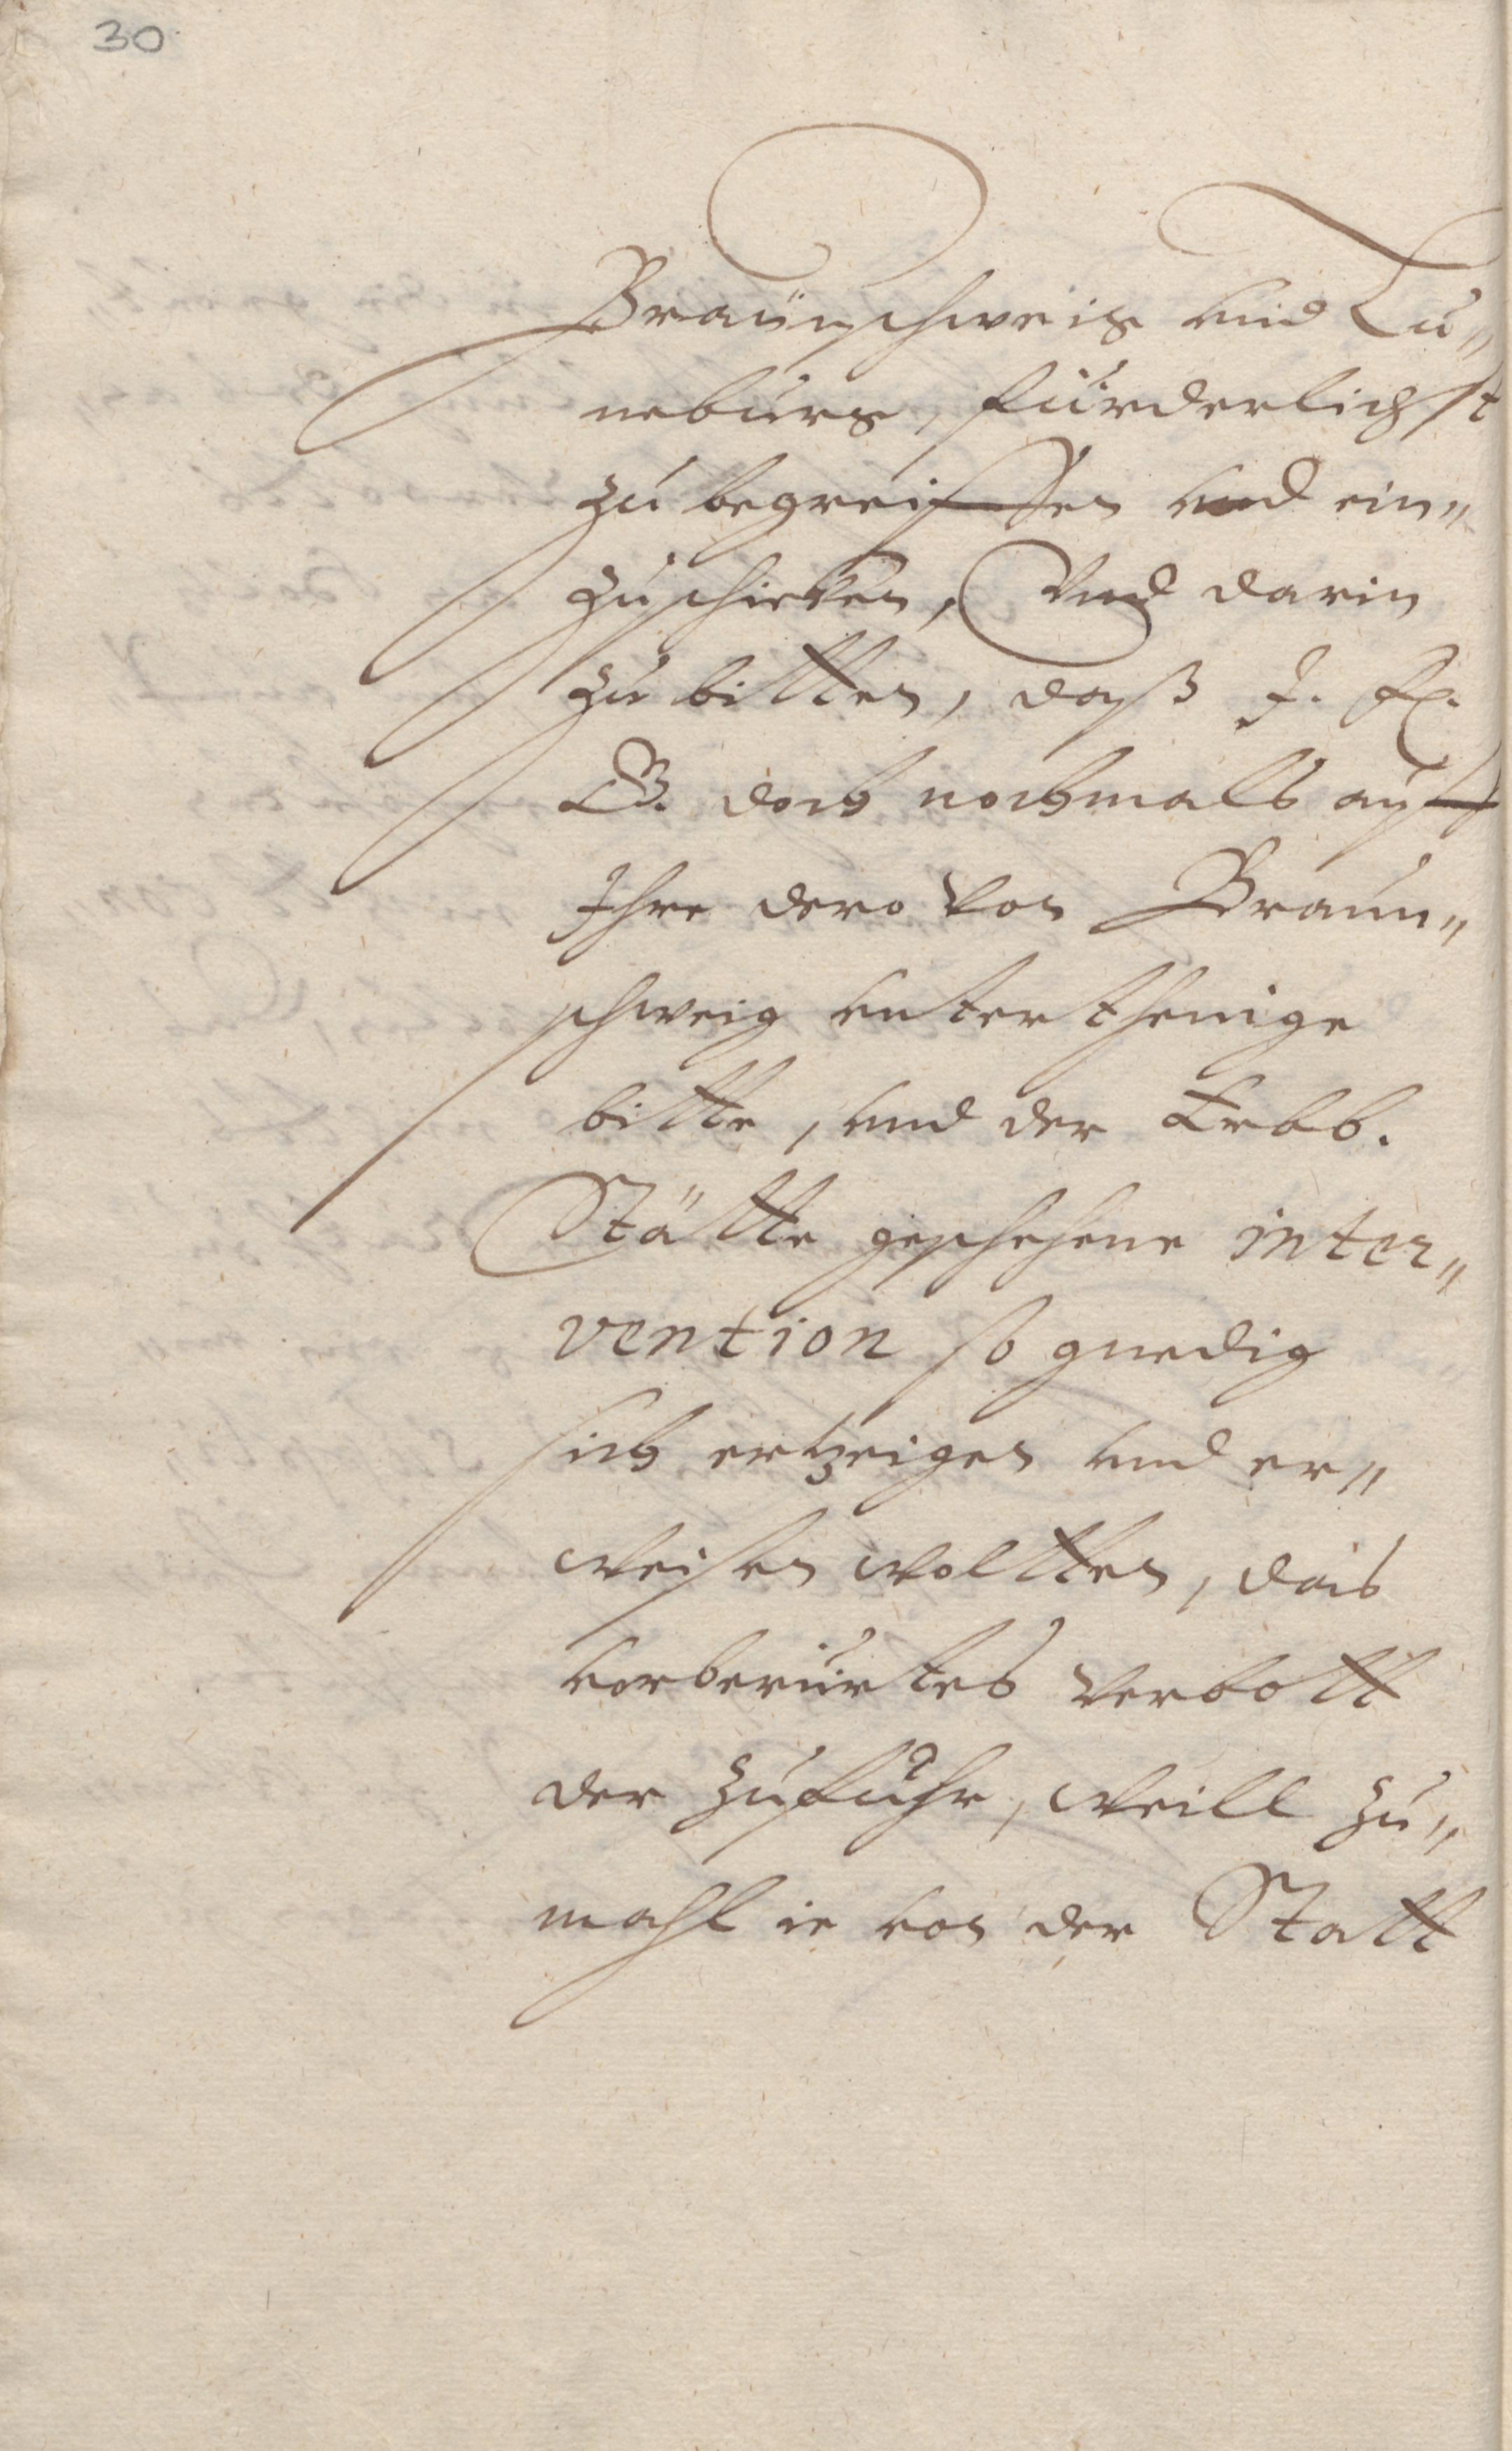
Braunschweig vnd Lu¬
neburg, fürderlichst
zu begreiffen vnd ein¬
zuschicken, Vnd darin
zu bitten, daß I. Fl.
G. doch nochmals auff
Ihre dero Von Braun¬
schweig vnterthenige
bitte, vnd der Erbb.
Stätte geschehene inter¬
vention so gnedig
sich ertzeigen vnd er¬
weisen woltten, das
vorberürtes Verbott
der zufuhr, weill zu¬
mahl in von der Statt
